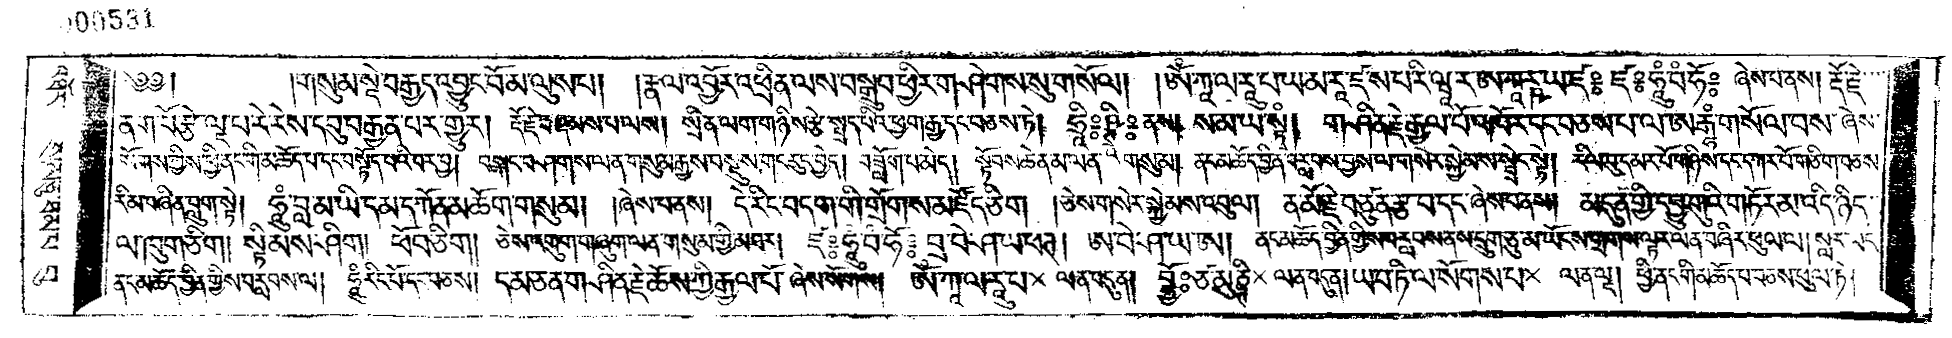༄༅། །གསུམ་སྡེ་བརྒྱད་འབྱུང་བོ་མ་ལུས་པ། །རྣལ་འབྱོར་འཕྲིན་ལས་བསྒྲུབ་ཕྱིར་གཤེགས་སུ་གསོལ། །ཨོཾ་ཀཱ་ལ་རཱུ་པ་ཡ་མ་རཱ་ཛ་ས་པ་རི་ཝཱ་ར་ཨ་ཀཱརྵ་ཡ་ཛཿ ཛཿ ཧཱུཾ་བཾ་ཧོཿ ཞེས་པ་ནས།  རྡོ་རྗེ་
ནག་པོ་རྩེ་ལྔ་པ་རེ་རེས་དབུ་བརྒྱན་པར་གྱུར། རྡོ་རྗེ་བསྡམས་པ་ལས། སྲིན་ལག་གཉིས་རྩེ་སྤྲད་པའི་ཕྱག་རྒྱ་དང་བཅས་ཏེ།  ཧྲཱིཿ ཥྚྲཱིཿ ནས། ས་མ་ཡ་སྟྭཾ། གཤིན་རྗེ་རྒྱལ་པོ་འཁོར་དང་བཅས་པ་ལ་ཨརྒྷཾ་གསོལ་བས་ཞེས་
སོགས་ཀྱིས་ཕྱི་ནང་གི་མཆོད་པ་དང་བསྟོད་པའི་བར་བྱ། བསྐང་བཤགས་ལན་གསུམ་རྒྱས་བསྡུས་གང་རུང་བྱེད། བཟློག་པ་མེད། སྟོབས་ཆེན་མ་ལན་གསུམ། ནང་མཆོད་བྱིན་བརླབས་བྱས་ལ་གསེར་སྐྱེམས་སྦྲེང་སྟེ། རིལ་བུ་དམར་པོ་གཉིས་དང་དཀར་པོ་གཅིག་བཅས་
རིམ་བཞིན་བླུག་སྟེ། ཧཱུཾ་བླ་མ་ཡི་དམ་དཀོན་མཆོག་གསུམ། ། ཞེས་པ་ནས།  དེ་རིང་བདག་གི་གྲོགས་མཛོད་ཅིག །ཅེས་གསེར་སྐྱེམས་འབུལ། ན་མོ་རྗེ་བཙུན་རྩ་བ་དང་ཞེས་པ་ནས།  མདུན་གྱི་དབྱུ་གུའི་གཏོར་མ་འདི་ཉིད་
ལ་ཁུག་ཅིག །སྟིམས་ཤིག །ཕོབ་ཅིག ། ཅེས་འགུག་གཞུག་ལན་གསུམ་གྱི་མཐར།  ཛཿ ཧཱུཾ་བཾ་ཧོཿ བྲ་བེ་ཤ་ཡ་ཕཊ། ཨ་བེ་ཤ་ཡ་ཨ། ནང་མཆོད་བྱིན་གྱིས་བརླབས་ནས་དྲུག་ཅུ་མ་ཡོངས་གྲགས་ལྟར་ལན་བཞིར་ཕུལ་ལ། སླར་ཡང་
ནང་མཆོད་བྱིན་གྱིས་བརླབས་ལ། ཧཱུཾ་རིང་པོ་དང་བཅས། དམ་ཅན་གཤིན་རྗེ་ཆོས་ཀྱི་རྒྱལ་པོ་ཞེས་སོགས།  ཨོཾ་ཀཱ་ལ་རཱུ་པ྾་ལན་བདུན།  བྷྱོཿ ཙ་མུཎྚི྾་ལན་བདུན་ཡ་བ་ཏི་ལ་སོགས་པ྾་ལན་ལྔ། ཕྱི་ནང་གི་མཆོད་པ་བཅས་ཕུལ་ཏེ།